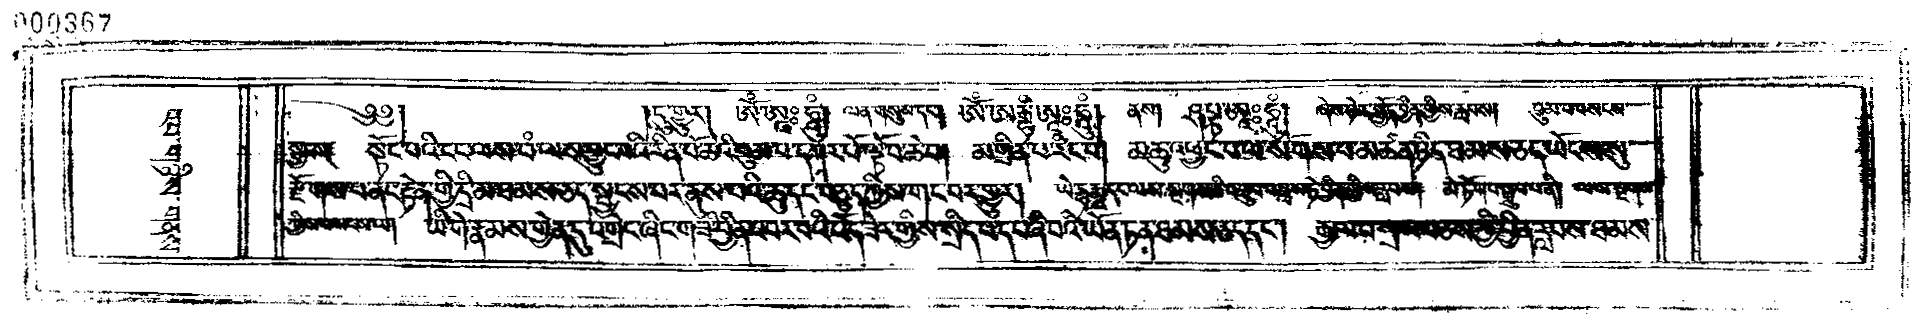༄༅། །དུ་གྱུར། ཨོཾ་ཨཱཿ ཧཱུཾ། ལན་གསུམ་དང་།  ཨོཾ་ཨརྒྷཾ་ཨཱཿ ཧཱུཾ། ནས།  ཤཔྟ་ཨཱཿ ཧཱུཾ། ཞེས་ཉེར་སྤྱོད་བྱིན་གྱིས་རླབས། བུམ་པ་བསངས་
སྦྱངས༑ སྟོང་པའི་ངང་ལས་བཾ་ལས་བྱུང་བའི་རིན་པོ་ཆེའི་བུམ་པ་དཀར་པོ་ལྟོ་བ་ཆེ་བ། མགྲིན་པ་རིང་བ། མཆུ་འཕྱང་བ་ལ་སོགས་པ་མཚན་ཉིད་ཐམས་ཅད་ཡོངས་སུ་
རྫོགས་པ་ནང་རྟེན་གྱི་དྲི་མ་ཐམས་ཅད་སྦྱངས་པར་ནུས་པའི་ཆུ་དང་བཅུད་ཀྱིས་གང་བར་གྱུར། ཡེ་དྷརྨཱ་དང་ལས་སྔགས་ཅི་འགྲུབ་བཟླས་ཏེ་བྱིན་གྱིས་རླབས། མེ་ཏོག་བསྒྲུབ་པ་ནི། ལས་སྔགས་
ཀྱིས་བསངས་ལ། ཡི་གེ་རྣམས་གྱེན་དུ་འགྲེང་ཞིང་གཟི་བྱིན་འབར་བའི་འོད་ཟེར་གྱིས་སྲིད་པ་དང་ཞི་བའི་ཡོན་ཏན་ཐམས་ཅད་དང་། རྒྱལ་བ་སྲས་བཅས་ཀྱི་བྱིན་རླབས་ཐམས་